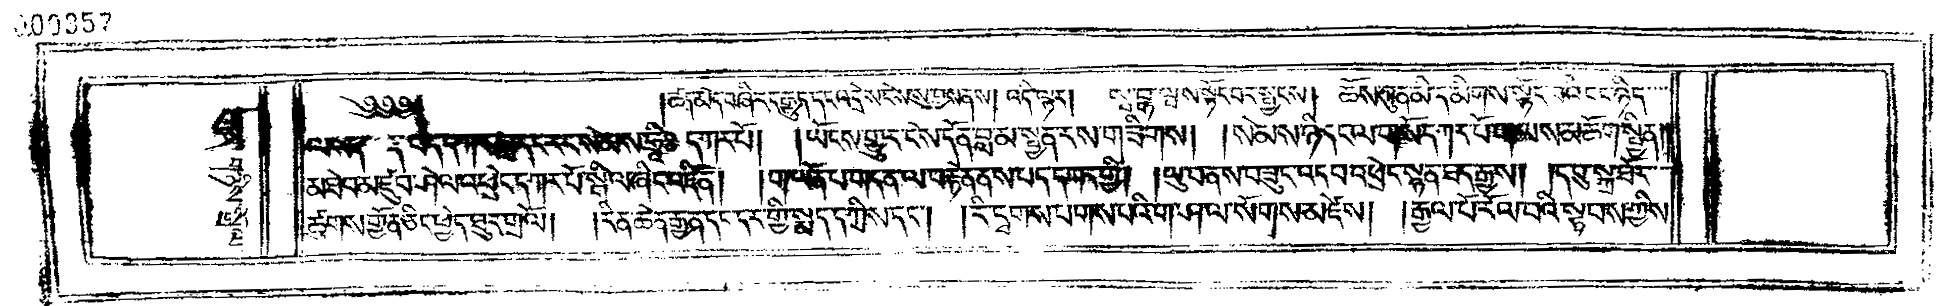༄༅༅། །ཚད་མེད་བཞི་ངང་རྒྱུད་དང་འདྲེས་ངེས་སུ་བྱས་ནས། འདི་ལྟར། སྭ་བྷ་ཝས་སྟོང་བར་སྦྱངས། ཆོས་ཀུན་མི་དམིགས་སྟོང་པའི་ངང་ཉིད་
ལས༑ ༑པད་དཀར་ཟླ་དང་རང་སེམས་ཧྲཱིཿ དཀར་པོ། །ཡོངས་གྱུར་ངེས་དོན་བླ་མ་སྤྱན་རས་གཟིགས། །སེམས་ཉིད་ངལ་གསོ་དཀར་པོ་གཡས་མཆོག་སྦྱིན། །
མཐེབ་མཛུབ་ཤེལ་འཕྲེང་དཀར་པོ་སྒིལ་ཞིང་འཛིན། །གཡོན་པ་གདན་ལ་བརྟེན་ནས་པད་དཀར་གྱི། །ཡུ་བ་ནས་བཟུང་འདབ་འཕྲེང་སྙན་ཐང་རྒྱས། །དབུ་སྐྲ་ཐོར་
ཚུགས་གྱོན་ཅིང་ཕྱེད་ཐུར་གྲོལ། །རིན་ཆེན་རྒྱན་དང་དར་གྱི་སྨད་དཀྲིས་དང་། །རི་དྭགས་པགས་པའི་ག་ཤ་ལ་སོགས་མཛེས། །རྒྱལ་པོ་རོལ་བའི་སྟབས་ཀྱིས་